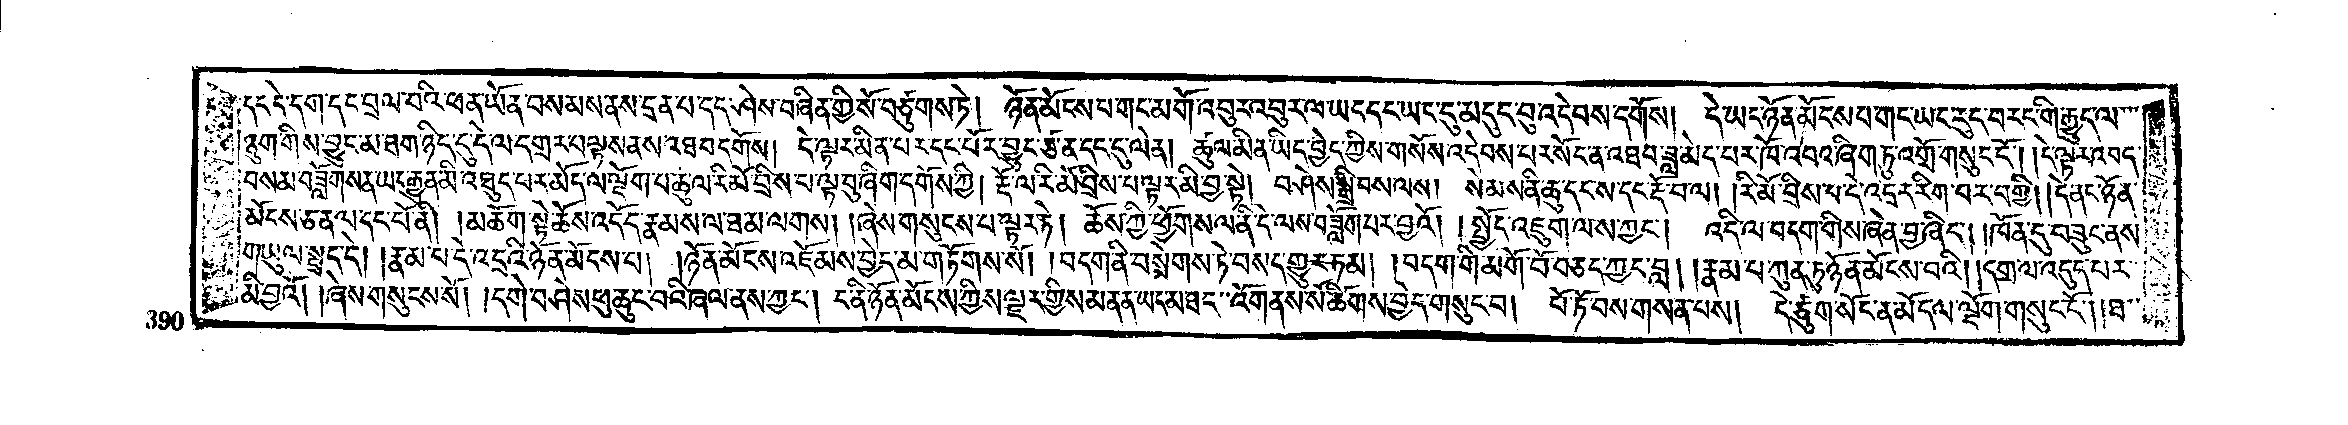དང་དེ་དག་དང་བྲལ་བའི་ཕན་ཡོན་བསམས་ནས་དྲན་པ་དང་ཤེས་བཞིན་གྱི་སོ་བཙུགས་ཏེ། ཉོན་མོངས་པ་གང་མགོ་འབུར་འབུར་ལ་ཡང་དང་ཡང་དུ་མདུང་བུ་འདེབས་དགོས། དེ་ཡང་ཉོན་མོངས་པ་གང་ཡང་རུང་བ་རང་གི་རྒྱུད་ལ་
ཉུག་གིས་བྱུང་མ་ཐག་ཉིད་དུ་དེ་ལ་དགྲར་བལྟས་ནས་འཐབ་དགོས། དེ་ལྟར་མིན་པར་དང་པོར་བྱུང་ཙ་ན་དང་དུ་ལེན། ཚུལ་མིན་ཡིད་བྱེད་ཀྱིས་གསོས་འདེབས་པར་སོང་ན་འཐབ་ཟླ་མེད་པར་ཁོ་འབའ་ཞིག་ཏུ་འགྲོ་གསུང་ངོ། །དེ་ལྟར་འབད་
པས་མ་བཟློགས་ན་ཡང་རྒྱུན་མི་འཐུད་པར་མོད་ལ་ལྡོག་པ་ཆུ་ལ་རི་མོ་བྲིས་པ་ལྟ་བུ་ཞིག་དགོས་ཀྱི། རྡོ་ལ་རི་མོ་བྲིས་པ་ལྟར་མི་བྱ་སྟེ། བཤེས་སྤྲིངས་ལས། སེམས་ནི་ཆུ་དང་ས་དང་རྡོ་བ་ལ། །རི་མོ་བྲིས་པ་དེ་འདྲར་རིག་པར་བགྱི། །དེ་ནང་ཉོན་
མོངས་ཅན་ལ་དང་པོ་ནི། །མཆོག་སྟེ་ཆོས་འདོད་རྣམས་ལ་ཐ་མ་ལགས། །ཞེས་གསུངས་པ་ལྟར་ཏེ། ཆོས་ཀྱི་ཕྱོགས་ལ་ནི་དེ་ལས་བཟློག་པར་བྱའོ། །སྤྱོད་འཇུག་ལས་ཀྱང་། འདི་ལ་བདག་གིས་ཞེན་བྱ་ཞིང་། །ཁོན་དུ་བཟུང་ནས་
གཡུལ་སྤྲད་དེ། །རྣམ་པ་དེ་འདྲའི་ཉོན་མོངས་པ། །ཉོན་མོངས་འཇོམས་བྱེད་མ་གཏོགས་སོ། །བདག་ནི་བསྲེགས་ཏེ་བསད་གྱུར་ཏམ། །བདག་གི་མགོ་བོ་བཅད་ཀྱང་བླ། །རྣམ་པ་ཀུན་ཏུ་ཉོན་མོངས་པའི། །དགྲ་ལ་འདུད་པར་
མི་བྱའོ། །ཞེས་གསུངས་སོ། །དགེ་བཤེས་ཕུ་ཆུང་བའི་ཞལ་ནས་ཀྱང་། ང་ནི་ཉོན་མོངས་ཀྱིས་ལྗར་གྱིས་མནན་ཡང་མ་ཐང་འོག་ནས་སོ་ཚིགས་བྱེད་གསུང་བ། པོ་ཏོ་བས་གསན་པས། དེ་ཙུག་སོང་ན་མོད་ལ་ལྡོག་གསུང་ངོ། །ཐ་